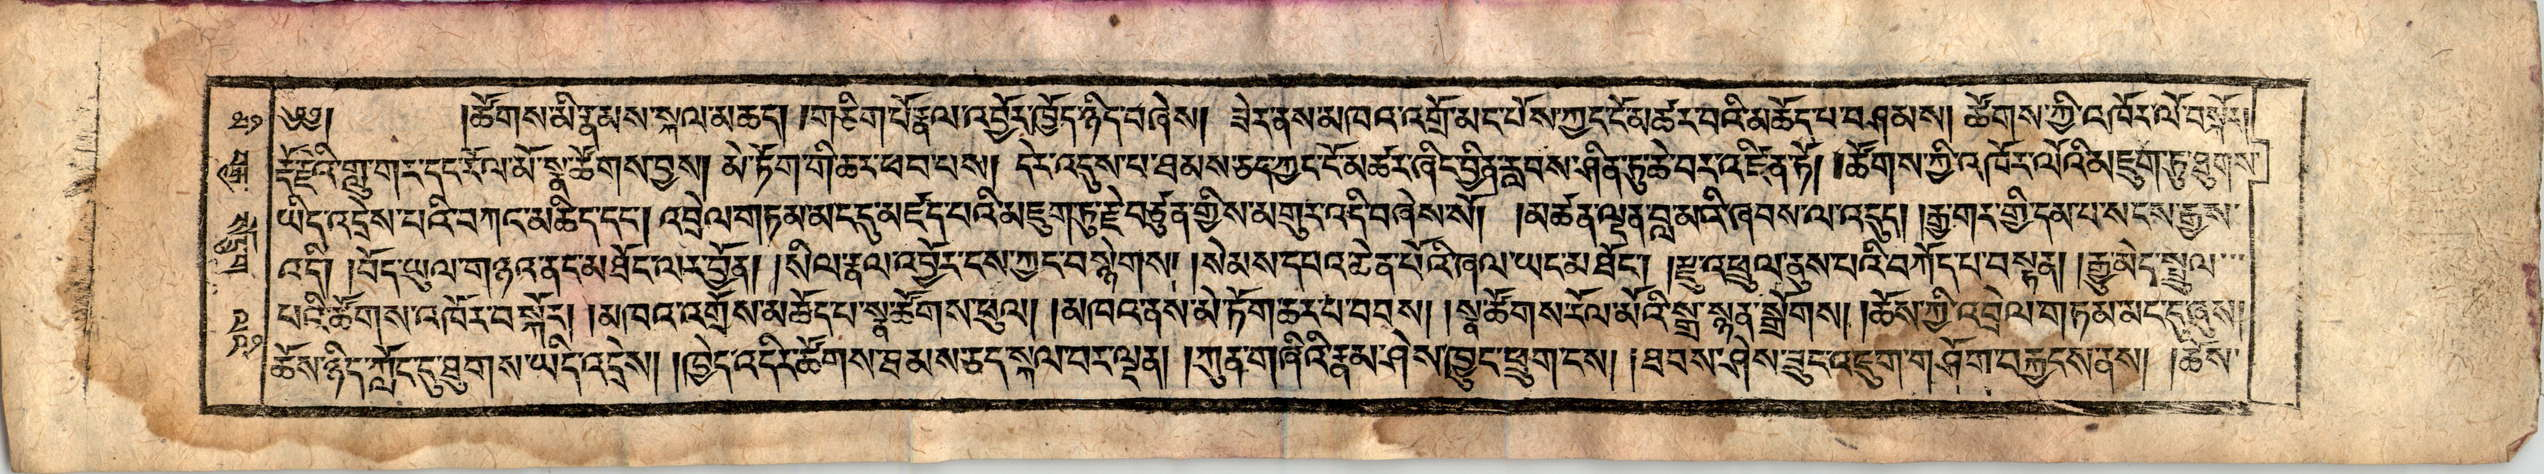ཚོགས་མི་རྣམས་སྐལ་མ་ཆད། གཅིག་པོ་རྣལ་འབྱོར་ཁྱོད་ཉིད་བཞེས། ཟེར་ནས་མཁའ་འགྲོ་མང་པོས་ཀྱང་ངོ་མཚར་བའི་མཆོད་པ་བཤམས། ཚོགས་ཀྱི་འཁོར་ལོ་བསྐོར། །
རྡོ་རྗེའི་གླུ་གར་དང་རོལ་མོ་སྣ་ཚོགས་བྱས། མེ་ཏོག་གི་ཆར་ཕབ་པས། དེར་འདུས་པ་ཐམས་ཅད་ཀྱང་ངོ་མཚར་ཞིང་བྱིན་རླབས་ཤིན་ཏུ་ཆེ་བར་འཛིན་ཏེ། །ཚོགས་ཀྱི་འཁོར་ལོའི་མཇུག་ཏུ་ཐུགས་
ཡིད་འདྲེས་པའི་བཀའ་མཆིད་དང་། འབྲེལ་གཏམ་མང་དུ་མཛད་པའི་མཇུག་ཏུ་རྗེ་བཙུན་གྱིས་མགུར་འདི་བཞེས་སོ། །མཚན་ལྡན་བླ་མའི་ཞབས་ལ་འདུད། །རྒྱ་གར་གྱི་དམ་པ་སངས་རྒྱས་
འདི། །བོད་ཡུལ་གཉའ་ནང་མཐོང་ལར་བྱོན། །མི་ལ་རྣལ་འབྱོར་ངས་ཀྱང་བསྙེགས། །སེམས་དཔའ་ཆེན་པོའི་ཞལ་ཡང་མཐོང་། །རྫུ་འཕྲུལ་ནུས་པའི་བཀོད་པ་བསྟན། །རྒྱུ་མེད་སྤྲུལ་
པའི་ཚོགས་འཁོར་བསྐོར། །མཁའ་འགྲོས་མཆོད་པ་སྣ་ཚོགས་ཕུལ། །མཁའ་ནས་མེ་ཏོག་ཆར་པ་བབས། །སྣ་ཚོགས་རོལ་མོའི་སྒྲ་སྙན་སྒྲོགས། །ཆོས་ཀྱི་འབྲེལ་གཏམ་མང་དུ་ཞུས། །
ཆོས་ཉིད་ཀློང་དུ་ཁྲུགས་ཡོད་འདྲེས། །ཁྱེད་འདིར་ཚོགས་ཐམས་ཅད་སྐལ་བར་ལྡན། །ཀུན་གཞིའི་རྣམ་ཤེས་ཁྱུང་ཁྲུག་ངས། །ཐབས་ཤེས་ཟུངས་འཇུགས་གཤོག་བརྐྱངས་ནས། །ཆོས་